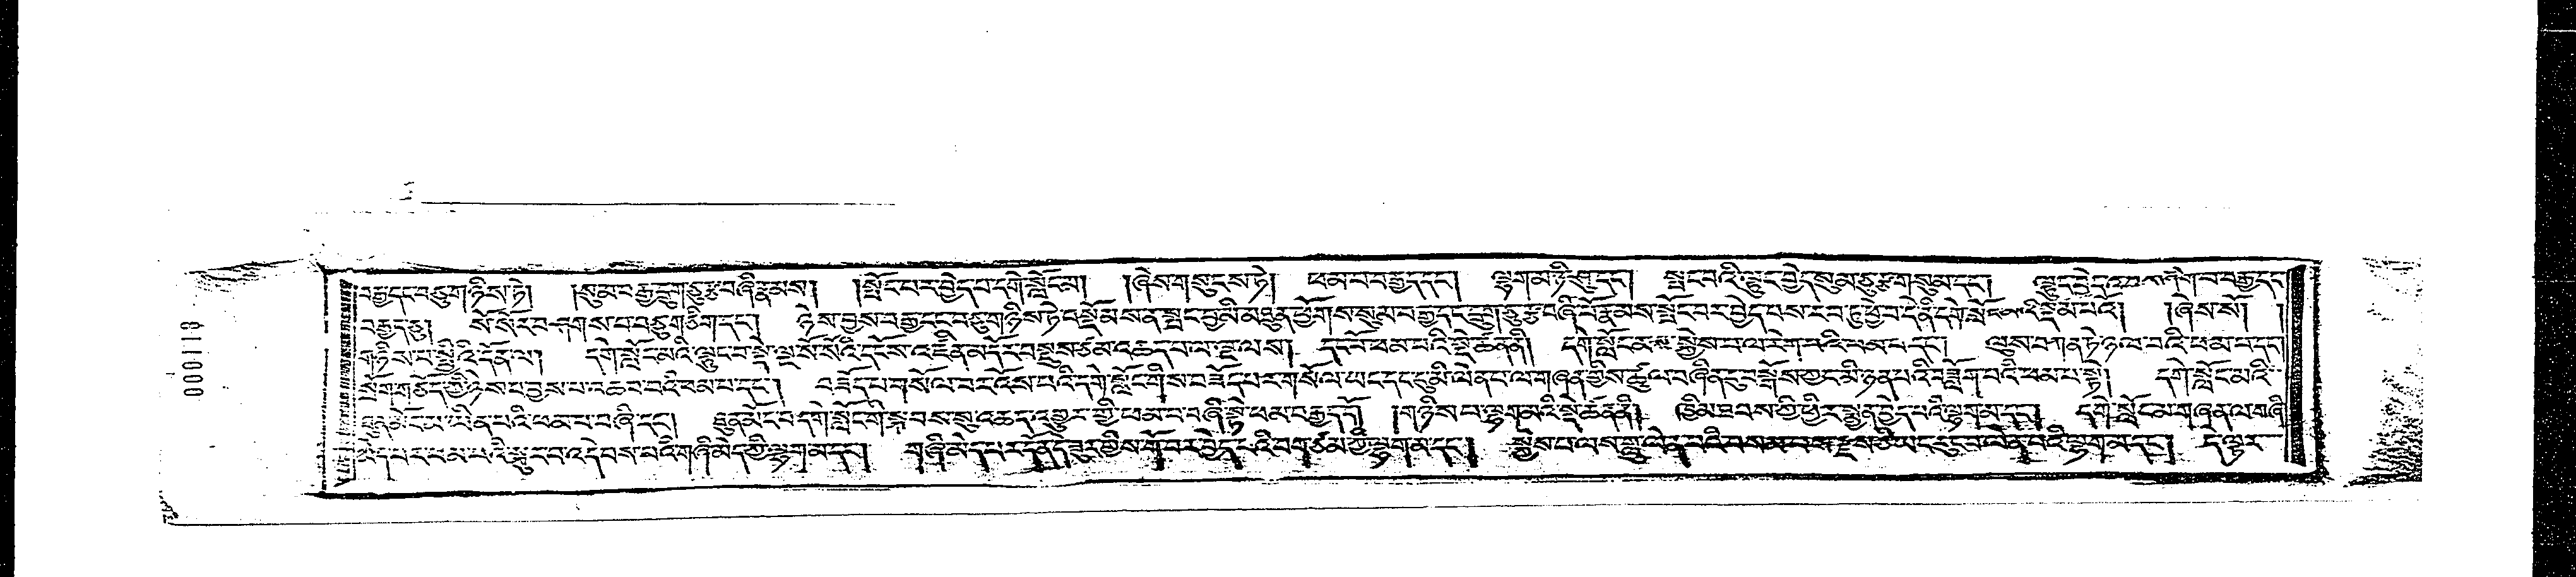བརྒྱ་དང་བཅུ་གཉིས་ཏེ། །སུམ་བརྒྱ་དྲུག་ཅུ་རྩ་བཞི་རྣམས། །སྤོང་བར་བྱེད་པ་དགེ་སློང་མ། །ཞེས་གསུངས་ཏེ། ཕམ་པ་བརྒྱད་དང་། ལྷག་མ་ཉི་ཤུ་དང་། སྤང་བའི་ལྟུང་བྱེད་སུམ་ཅུ་རྩ་གསུམ་དང་། ལྟུང་བྱེད་འབའ་ཞིག་བ་བརྒྱ་དང་
བརྒྱད་ཅུ། སོ་སོར་བཤགས་པ་བཅུ་གཅིག་དང་། ཉེས་བྱས་བརྒྱ་དང་བཅུ་གཉིས་ཏེ་བསྡོམས་ན་སྤང་བྱ་མི་མཐུན་ཕྱོགས་སུམ་བརྒྱ་དང་དྲུག་ཅུ་རྩ་བཞི་པོ་རྣམས་སྤོང་བར་བྱེད་པས་རབ་ཏུ་ཕྱེ་བ་དེ་ནི་དགེ་སློང་མའི་སྡོམ་པའོ། །ཞེས་སོ། །
གཉིས་པ་སྤྱིའི་དོན་ལ། དགེ་སློང་མའི་ལྟུང་བ་སྡེ་ལྔ་སོ་སོའི་དངོས་འཛིན་མདོར་བསྡུས་ཙམ་འཆད་པ་ལ་ལྔ་ལས། དང་པོ་ཕམ་པའི་སྡེ་ཚན་ནི། དགེ་སློང་མས་སྐྱེས་བ་ལ་རེག་པའི་ཕམ་པ་དང་། ལུས་བཀན་ཏེ་ཉལ་བའི་ཕམ་པ་དང་།
སྲོག་གཅོད་ཀྱི་ཉེས་པ་བྱས་པ་འཆབ་བའི་ཕམ་པ་དང་། བཟོད་པ་གསོལ་བར་འོས་པའི་དགེ་སློང་གིས་བཟོད་པར་གསོལ་ཡང་དང་དུ་མི་ལེན་པ་ལ་གཞན་གྱིས་ཚུལ་བཞིན་དུ་བསྒོས་ཀྱང་མི་ཉན་པའི་བཟློག་པའི་ཕམ་པ་སྟེ། དགེ་སློང་མའི་
ཐུན་མོང་མ་ཡིན་པའི་ཕམ་པ་བཞི་དང་། ཐུན་མོང་བ་དགེ་སློང་གི་སྐབས་སུ་འཆད་འགྱུར་གྱི་ཕམ་པ་བཞི་སྟེ་ཕམ་བརྒྱད་དོ། །གཉིས་པ་ལྷག་མའི་སྡེ་ཚན་ནི། ཁྱིམ་ཐབས་ཀྱི་ཕྱིར་སྨྱན་བྱེད་པའི་ལྷག་མ་དང་། དགེ་སློང་མ་གཞན་ལ་གཞི་
མེད་པར་ཕམ་པའི་སྐུར་བ་འདེབས་པའི་གཞི་མེད་ཀྱི་ལྷག་མ་དང་། གཞི་མེད་པར་དོན་དེ་ཟུར་གྱིས་གོ་བར་བྱེད་པའི་བག་ཙམ་ཀྱི་ལྷག་མ་དང་། སྐྱེས་པ་ལས་གླུ་ལེན་པའི་བསམ་པས་རྫས་ཅི་ཡང་རུང་བ་ལེན་པའི་ལྷག་མ་དང་། དེ་ལྟར་